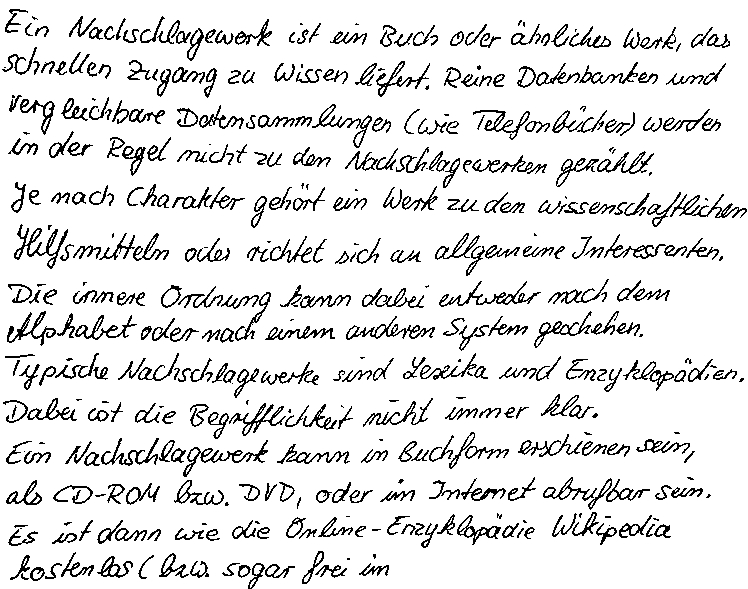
Ein Nachschlagewerk ist ein Buch Oder ähnliches Werk, das
Schnellen Zugang zu Wissen liefert. Reine Datenbanken und
Vergleichbare Datensammlungen (wie Telefonbücher) werden
in der Regel nicht zu den Nachschlagewerken gezählt.
Je nach Charakter gehört ein Werk zu den wissenschaftlichen
Hilfsmitteln oder richtet sich an allgemeine Interessenten.
Die innere Ordnung kann dabei entweder nach dem
Alphabet oder nach einem anderen System geschehen.
Typische Nachschlagewerke sind Lexika und Enzyklopädien.
Dabei ist die Begrifflichkeit nicht immer Klar.
Ein Nachschlagewerk kann in Buchform erschienen sein,
als CD-ROM bzw. DVD, oder im Internet abrufbar sein.
Es ist dann wie die Online-Enzyklopädie Wikipedia
kostenlos (bzw. sogar frei im
